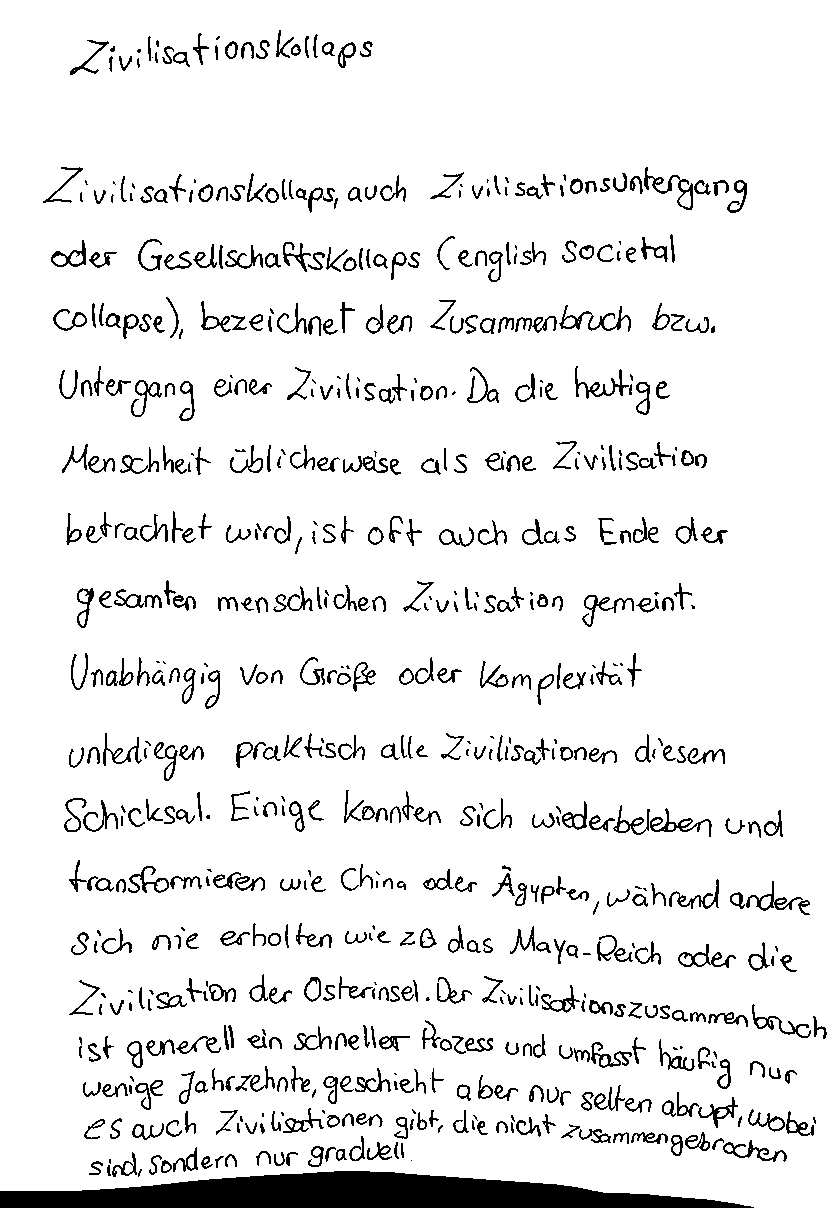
Zivilisationskollaps
Zivilisationskollaps, auch Zivilisationsuntergang
oder Gesellschaftskollaps (englisch societal
collapse), bezeichnet den Zusammenbruch bzw.
Untergang einer Zivilisation. Da die heutige
Menschheit üblicherweise als eine Zivilisation
betrachtet wird, ist oft auch das Ende der
gesamten menschlichen Zivilisation gemeint.
Unabhängig von Größe oder Komplexität
unterliegen praktisch alle Zivilisationen diesem
Schicksal. Einige konnten sich wiederbeleben und
transformieren wie China oder Ägypten, während andere
sich nie erholten wie z.B. das Maya-Reich oder die
Zivilisation der Osterinsel. Der Zivilisationszusammenbruch
ist generell ein schneller Prozess und umfasst häufig nur
wenige Jahrzehnte, geschieht aber nur selten abrupt, wobei
es auch Zivilisationen gibt, die nicht zusammengebrochen
sind, sondern nur graduell
